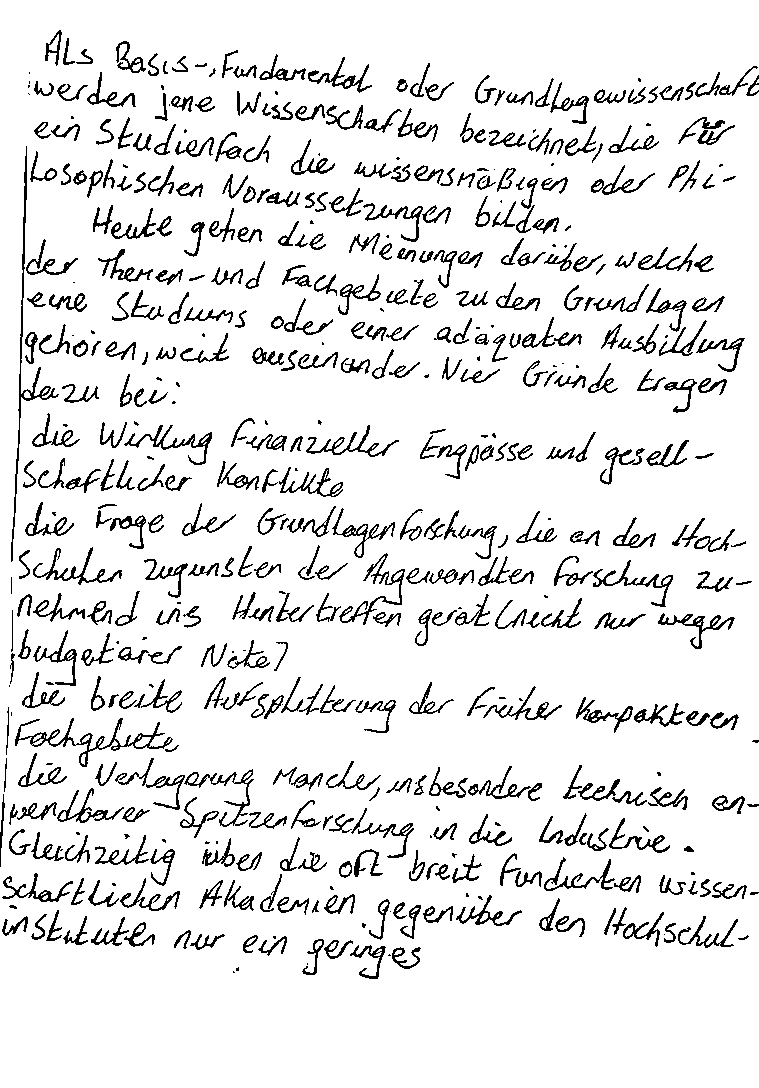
Als Basis-, Fundamental oder Grundlagenwissenschaft
werden jene Wissenschaften bezeichnet, die Für
ein Studienfach die wissensmäßigen oder Phi-
Losophischen Voraussetzungen bilden.
Heute gehen die Meinungen darüber welche
der Themen- und Fachgebiete zu den Grundlagen
eine Studiums oder einer adäquaten Ausbildung
gehören, weit auseinander . Vier Gründe tragen
dazu bei:
die Wirkung Finanzieller Engpässe und gesell-
schaftlicher Konflikte
die Frage der Grundlagenforschung , die an den Hoch-
Schulen zugunsten der Angewandten Forschung zu-
nehmend ins Hintertreffen gerät (nicht nur wegen
budgetärer Nöte )
die breite Aufsplitterung der Früher Kompakteren
Fachgebiete
die Verlagerung Mancher, Insbesondere technisch an-
wendbarer Spitzenforschung in die Industrie .
Gleichzeitig üben die oft breit Fundierten wissen-
schaftlichen Akademien . gegenüber den Hochschul-
Instituten nur ein geringes
